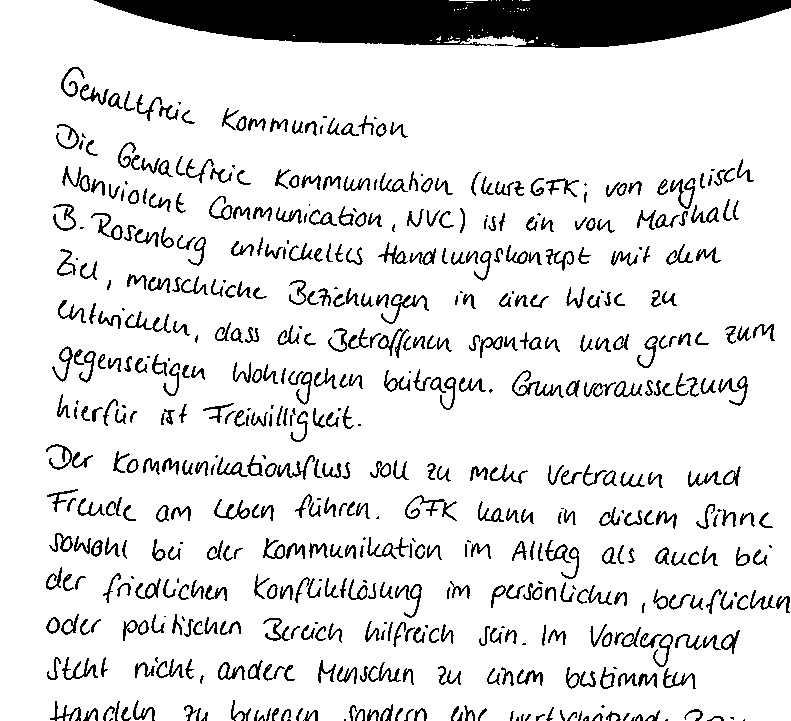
Gewaltfreie Kommunikation
Gewaltfreie Kommunikation (kurz GFK; von englisch
Nonviolent Communication, NVC) ist ein von Marshall
B. Rosenberg entwickeltes Handlungskonzept mit dem
Ziel, menschliche Beziehungen in einer Weise zu
entwickeln, dass die Betroffenen Spontan und gerne zum
Gegenseitigen Wohlergehen beitragen. Grundvoraussetzung
hierfür ist Freiwilligkeit.
Der Kommunikationsfluss soll zu mehr Vertrauen und
Freude am Leben führen. GFK kann in diesem Sinne
sowohl bei der Kommunikation im Alltag als auch bei
der friedlichen Konfliktlösung im persönlichen, beruflichen
oder politischen Bereich hilfreich sein. Im Vordergrund
steht nicht, andere Menschen zu einem bestimmten
